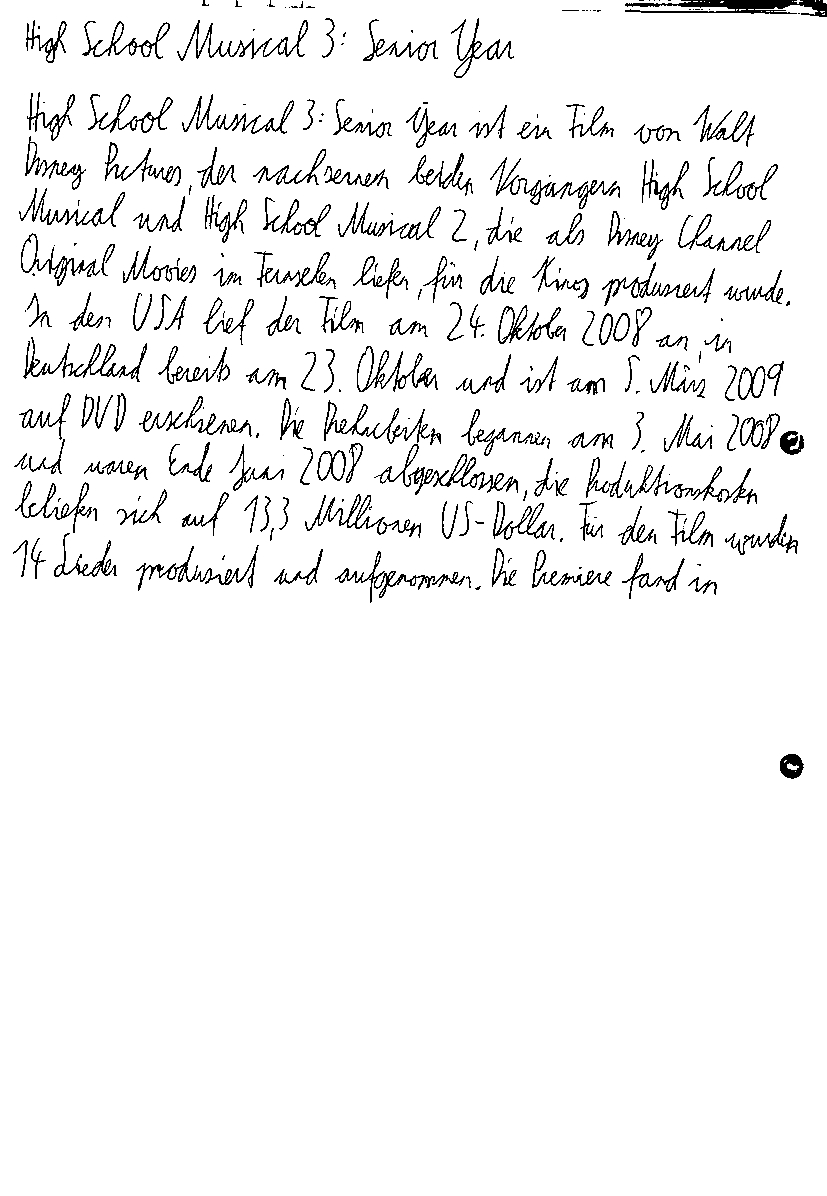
High School Musical 3: Senior Year
High School Musical 3: Senior Year ist ein Film von Walt
Disney Pictures, der nach seinen beiden Vorgängern High School
Musical und High School Musical 2, die als Disney Channel
Original Movies im Fernsehen liefen, für die Kinos produziert wurde.
In den USA lief der Film am 24. Oktober 2008 an, in
Deutschland bereits am 23. Oktober und ist am 5. März 2009
auf DVD erschienen. Die Dreharbeiten begannen am 3. Mai 2008
und waren Ende Juni 2008 abgeschlossen, die Produktionskosten
beliefen sich auf 13,3 Millionen US-Dollar. Für den Film wurden
14 Lieder produziert und aufgenommen. Die Premiere fand in
